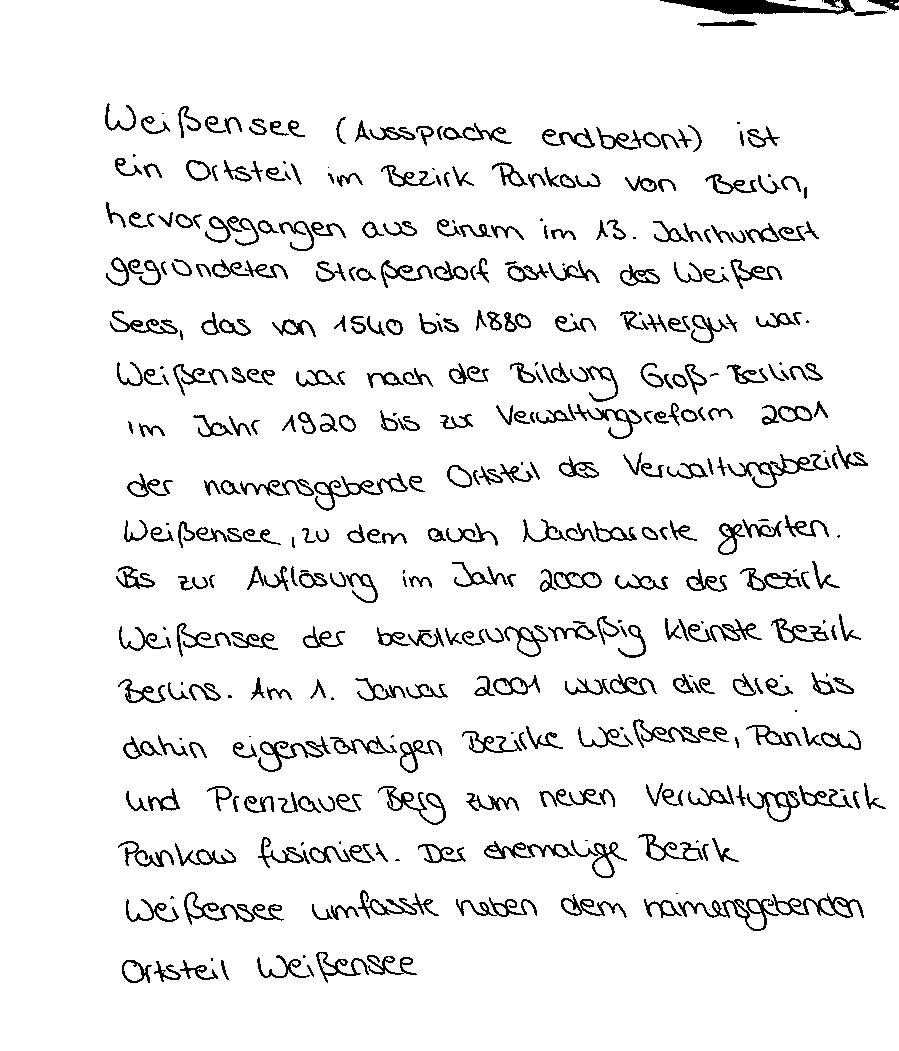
Weißensee (Aussprache endbetont) ist
ein Ortsteil im Bezirk Pankow von Berlin,
hervorgegangen aus einem im 13. Jahrhundert
gegründeten Straßendorf östlich des Weißen
Sees, das von 1540 bis 1880 ein Rittergut war.
Weißensee war nach der Bildung Groß-Berlins
im Jahr 1920 bis zur Verwaltungsreform 2001
der namensgebende Ortsteil des Verwaltungsbezirks
Weißensee, zu dem auch Nachbarorte gehörten.
Bis zur Auflösung im Jahr 2000 war der Bezirk
Weißensee der bevölkerungsmäßig kleinste Bezirk
Berlins. Am 1. Januar 2001 wurden die drei bis
dahin eigenständigen Bezirke Weißensee, Pankow
und Prenzlauer Berg zum neuen Verwaltungsbezirk
Pankow fusioniert. Der ehemalige Bezirk
Weißensee umfasste neben dem namensgebenden
Ortsteil Weißensee
